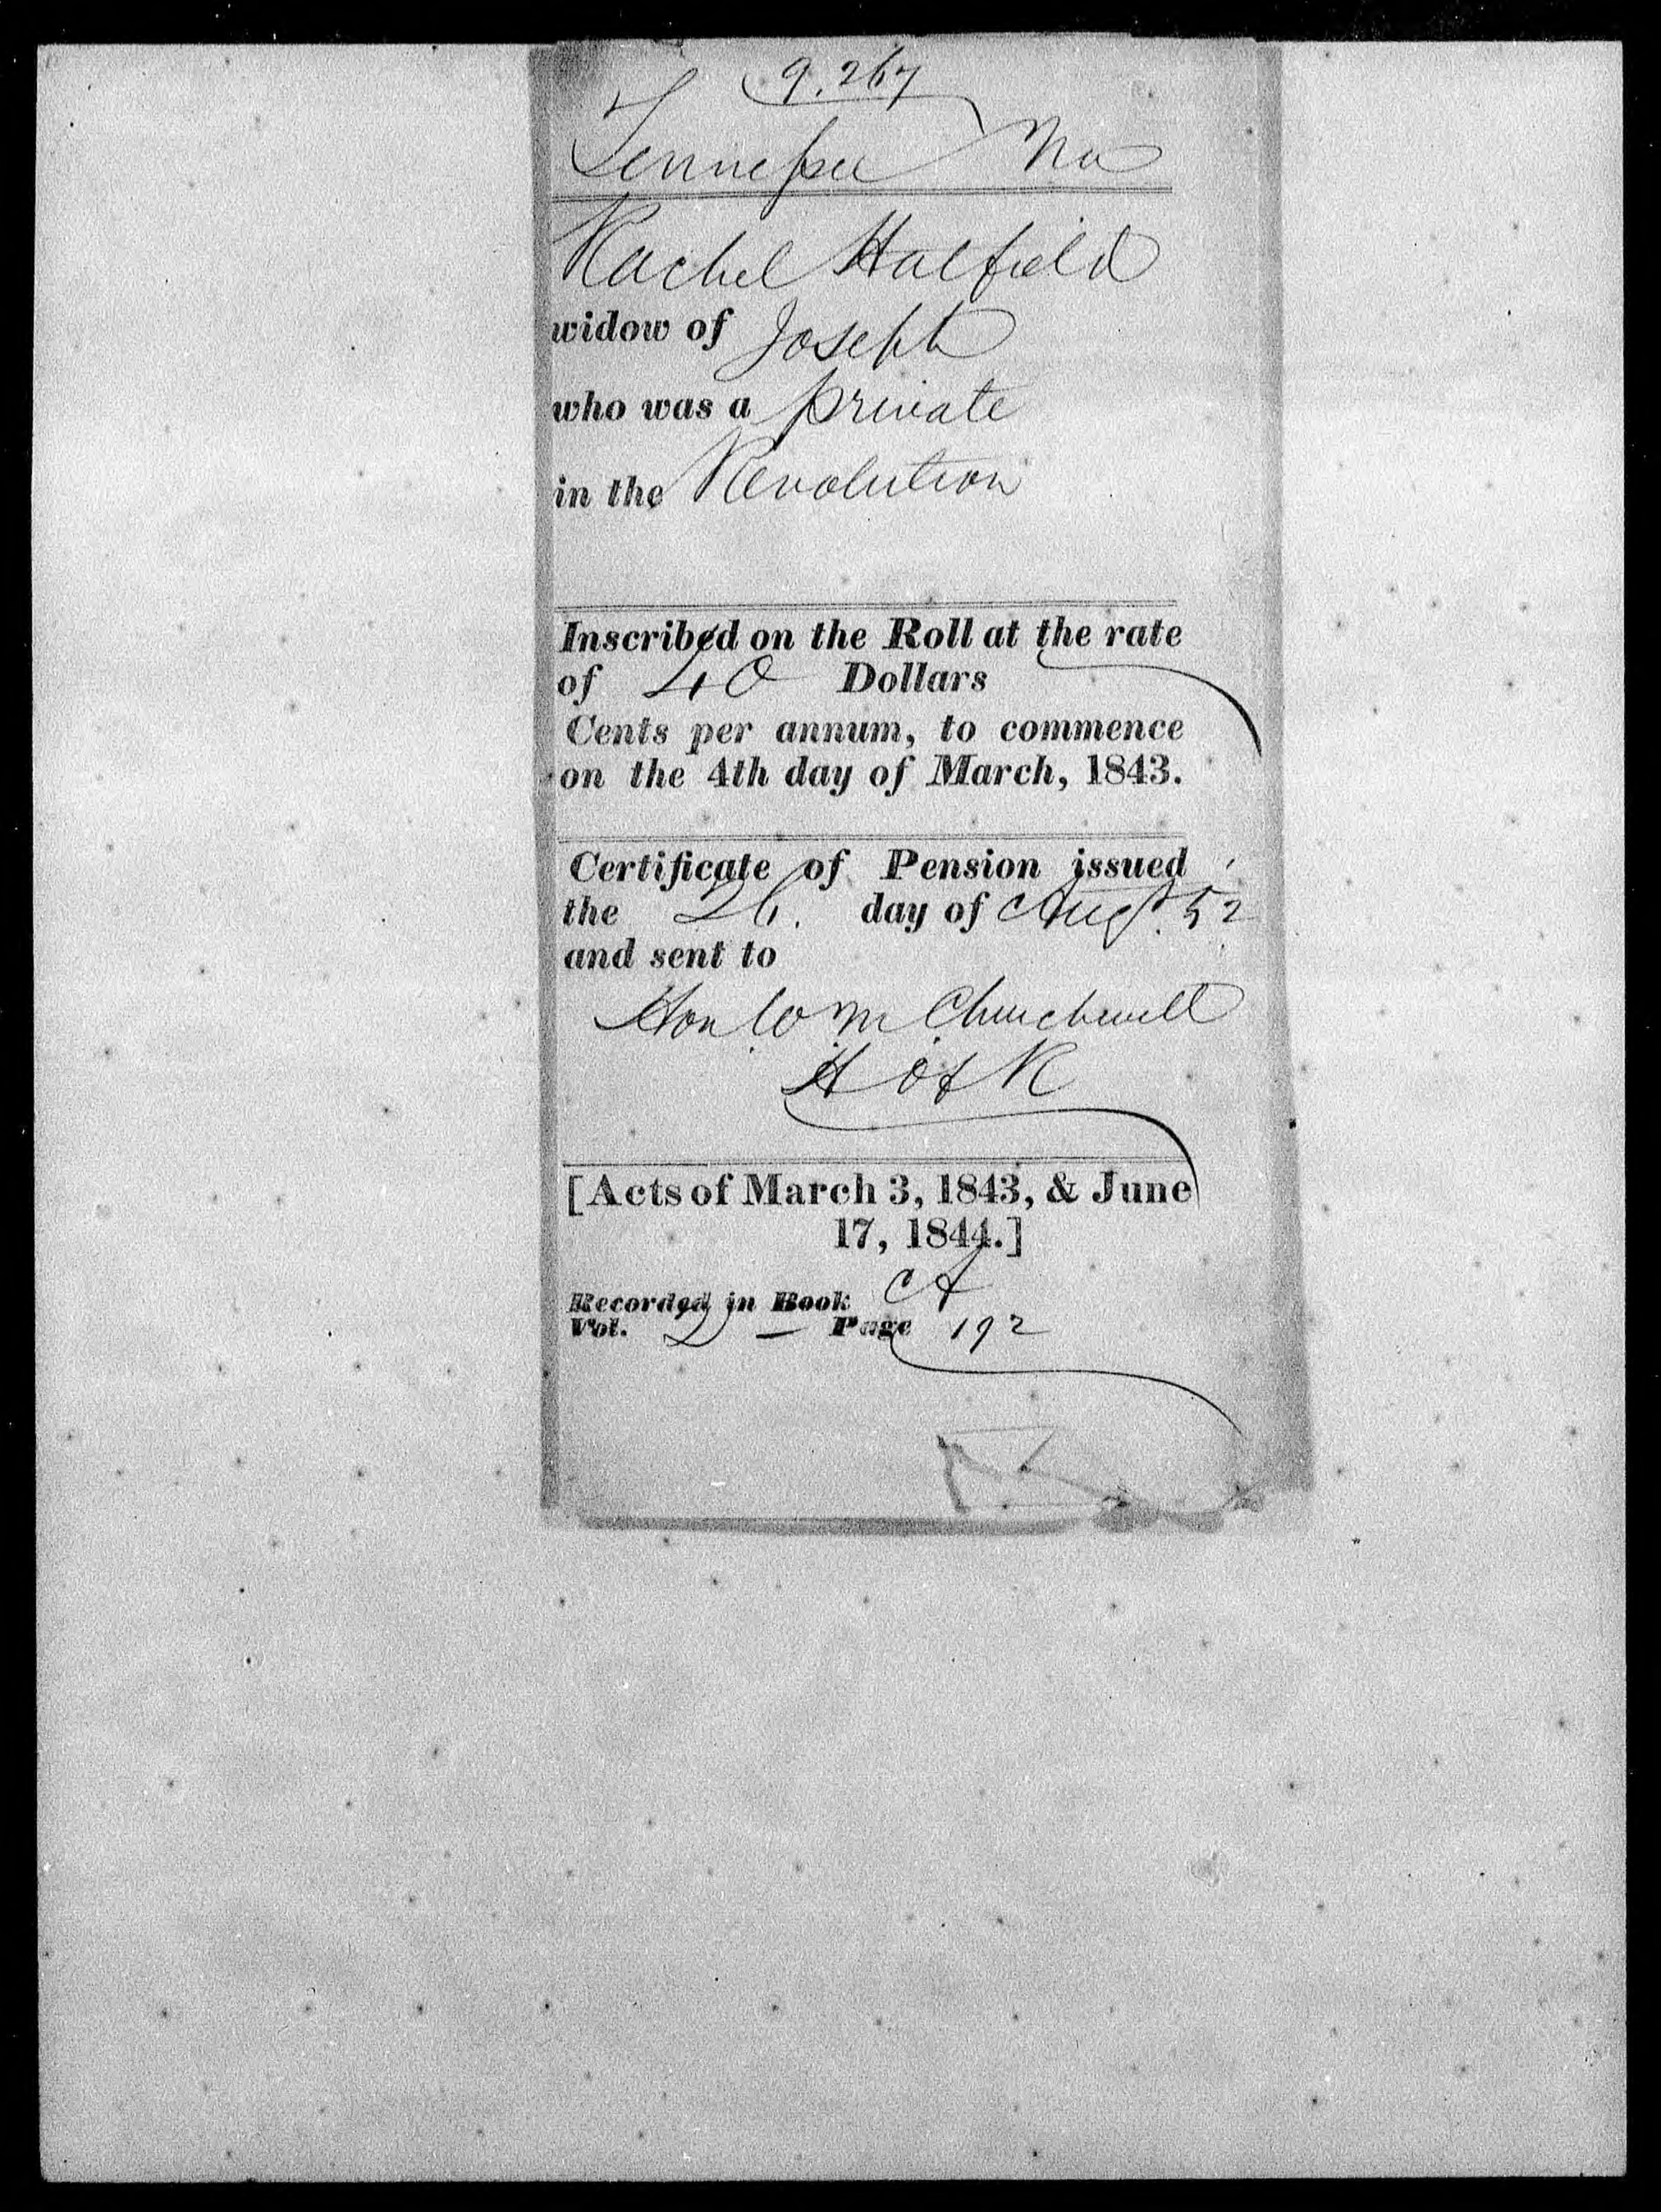9,267
Tennessee Na
Rachel Hatfield
widow of Joseph
who was a private
in the Revolution

Inscribed on the Roll at the rate
of 40 Dollars ~
Cents per annum, to commence
on the 4th day of March, 1843.

Certificate of Pension issued
the 26 day of Augt. 52
and sent to
Hon W M Churchwell
H of R

[Acts of March 3, 1843, & June
17, 1844.]
Recorded in Book A
Vol. 2 - Page 192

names: Rachel Hatfield, Joseph Hatfield, W M Churchwell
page: 48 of 74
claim: widow's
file: W. 5, Joseph Hatfield, Va.